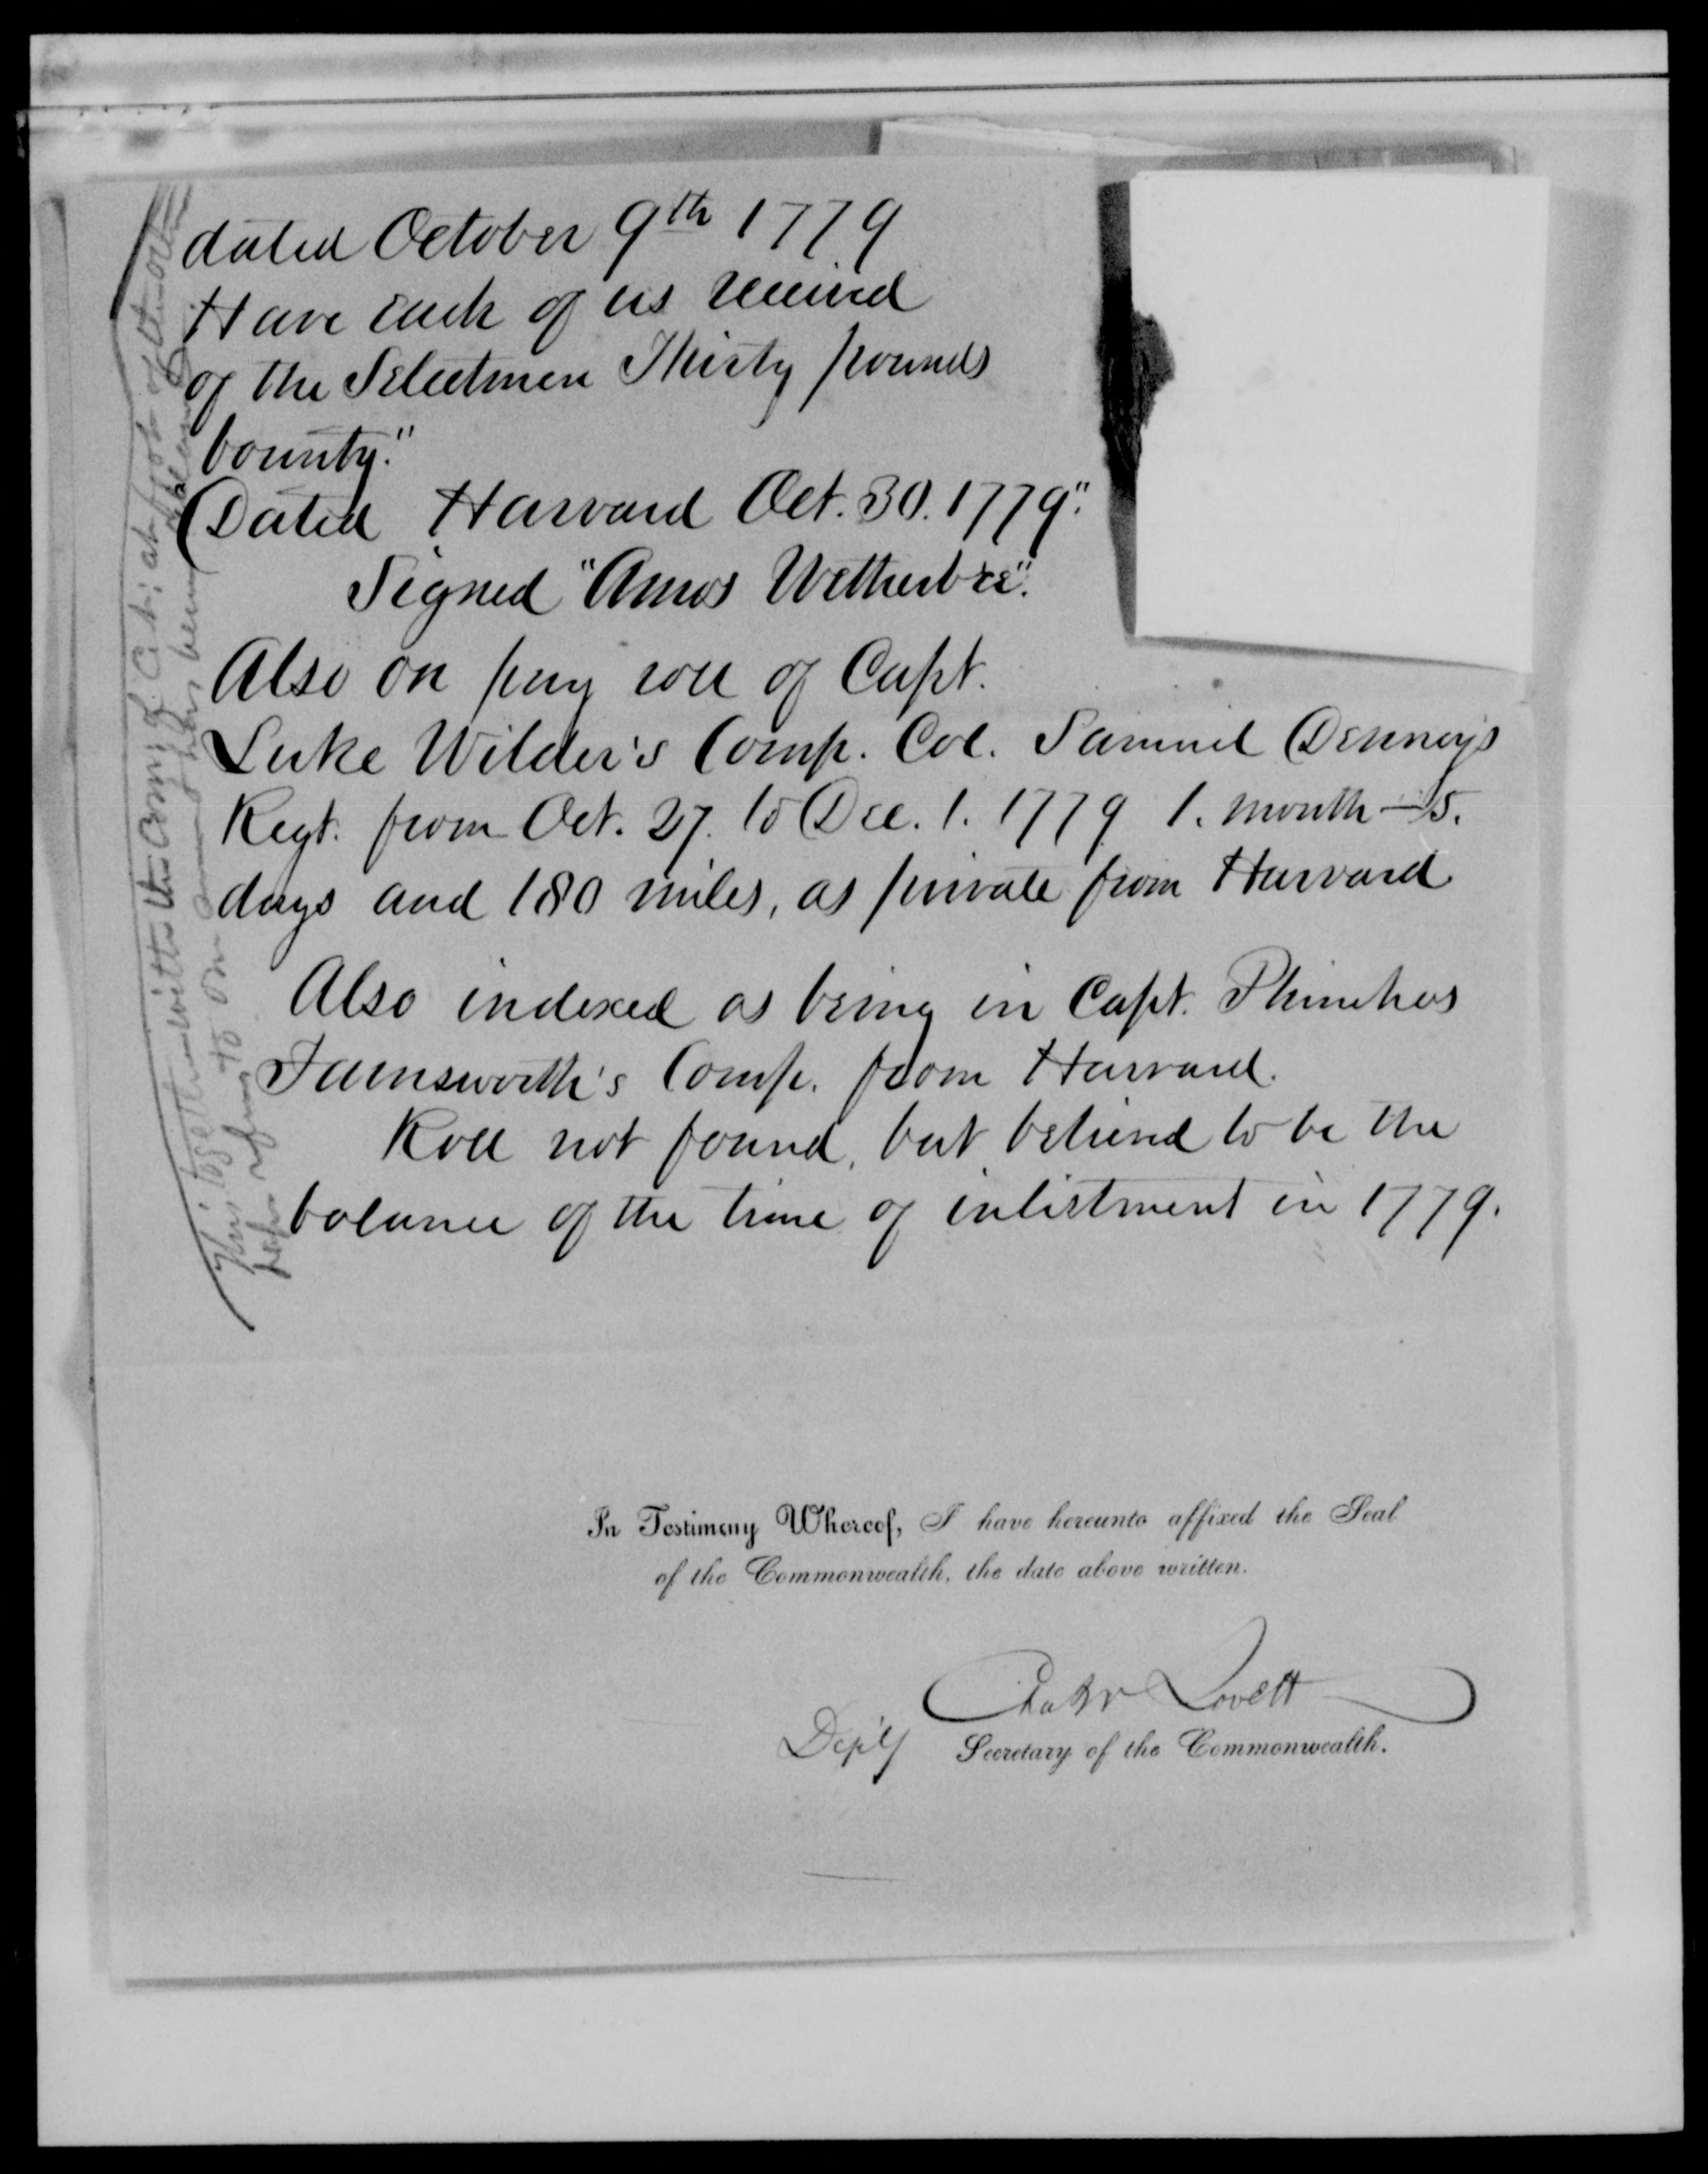dated October9th 1779 Have each of us received of the Selectman Thirty pounds bounty"
Dated Harvard Oct 30, 1779" 
Signed "Amos Wetherbee"
(blank square paper affixed)
Also on a pay roll of Capt. Luke Wilder's Comp, Col. Samuel Denney's Regt. from Oct 17 to Dec 1, 1779. 1 month 5 days and 180 miles as private from Harvard.
Also indexed as being in Capt. Phinehas Farnsworth's Comp. from Harvard.
Roll not found but believed to be the balance of the time of inlistment in 1779.

(hand written note added to left margin)-
This with the Com. of C.t: at foot of the other paper refers to one (illegible) & his being (illegible)

In Testimony Whereof, I have hereunto affixed the Seal of the Commonwealth the date above written.
Chas. M. Lovett
Depty.  Secretary of the Commonwealth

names: Chas M Lovett, Amos Wetherbee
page: 38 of 66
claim: widow's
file: W. 2468, Amos Wetherbee, Mass.